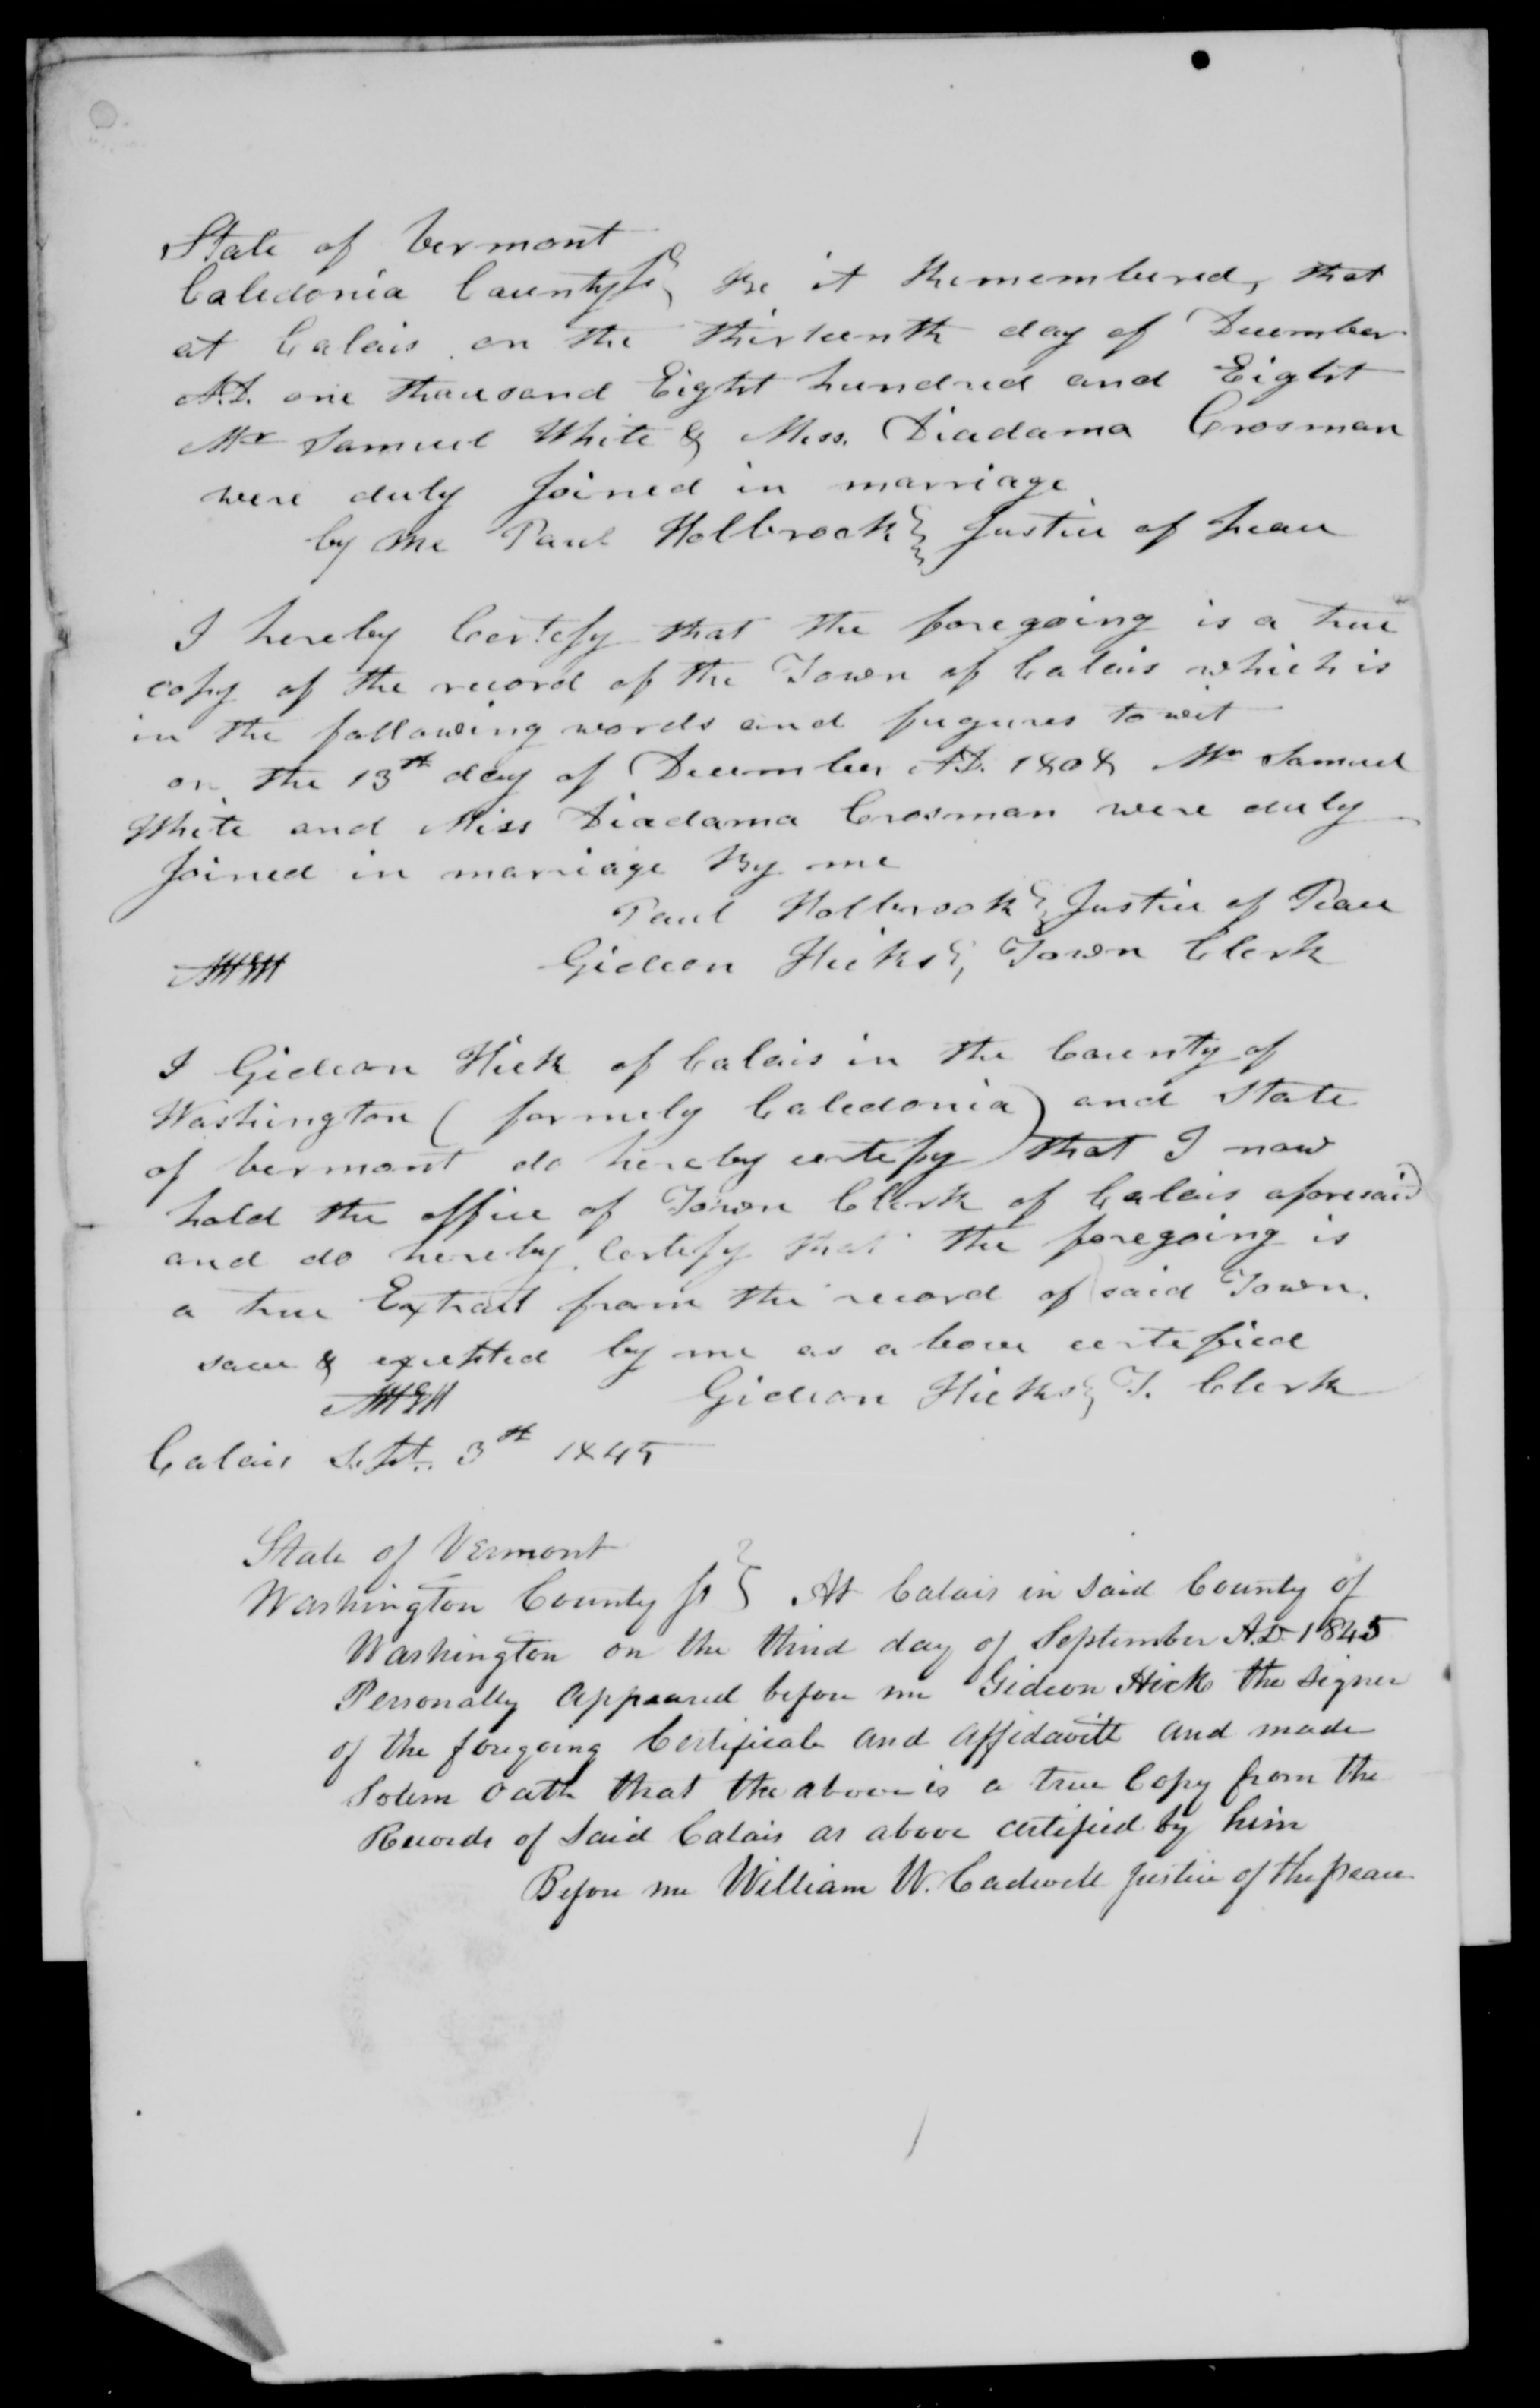State of Vermont
Caledoia County SS
Be it remembered, that at Calais on the thirteenth day of December A.D. one thousand Eight hundred and Eight Mr. Samuel White & Miss Diadamai Crosman were duly joined in marriage
by one Paul Holbrook, Justice of Peace

I hereby Certify that the foregoing is a true copy of the record of the Town of Calais which is in the following words and figures to wit,
On the 13th day of December A.D. 1808 Mr. Samuel White and Miss Diadamia Crosman were duly joined in marriage by me
Paul Holbrook, Justice of Peace
Gideon Hicks Town Clerk

I Gideon Hicks of Calais in the County of Washington (formerly Caledonia) and the State of Vermont do hereby certify that I now hold the office of Town clerk of Calais aforesaid and do hereby certify that the foregoing is a true extract from the record of said Town, saw & excepted by me as above certified.
Attest Gideon Hicks T. Clerk
Calais Sept. 3d 1845

State of Vermont
Washington County ss
At Calais in said County of Washington on the third day of September A.D. 1845 personally appeared before me Gideon Hick the signer of the foregoing certificate and affidavitt and made solem oath that the above is a true copy from records of said Calais as above certified by him.
Before me William W. Cadwell Justice of the peace.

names: Samuel White, Gideon Ficks, Diadamia Crosman, William W Cadwell, Paul Holbrook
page: 15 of 79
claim: survivor's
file: S. 11759, Samuel White, Mass.